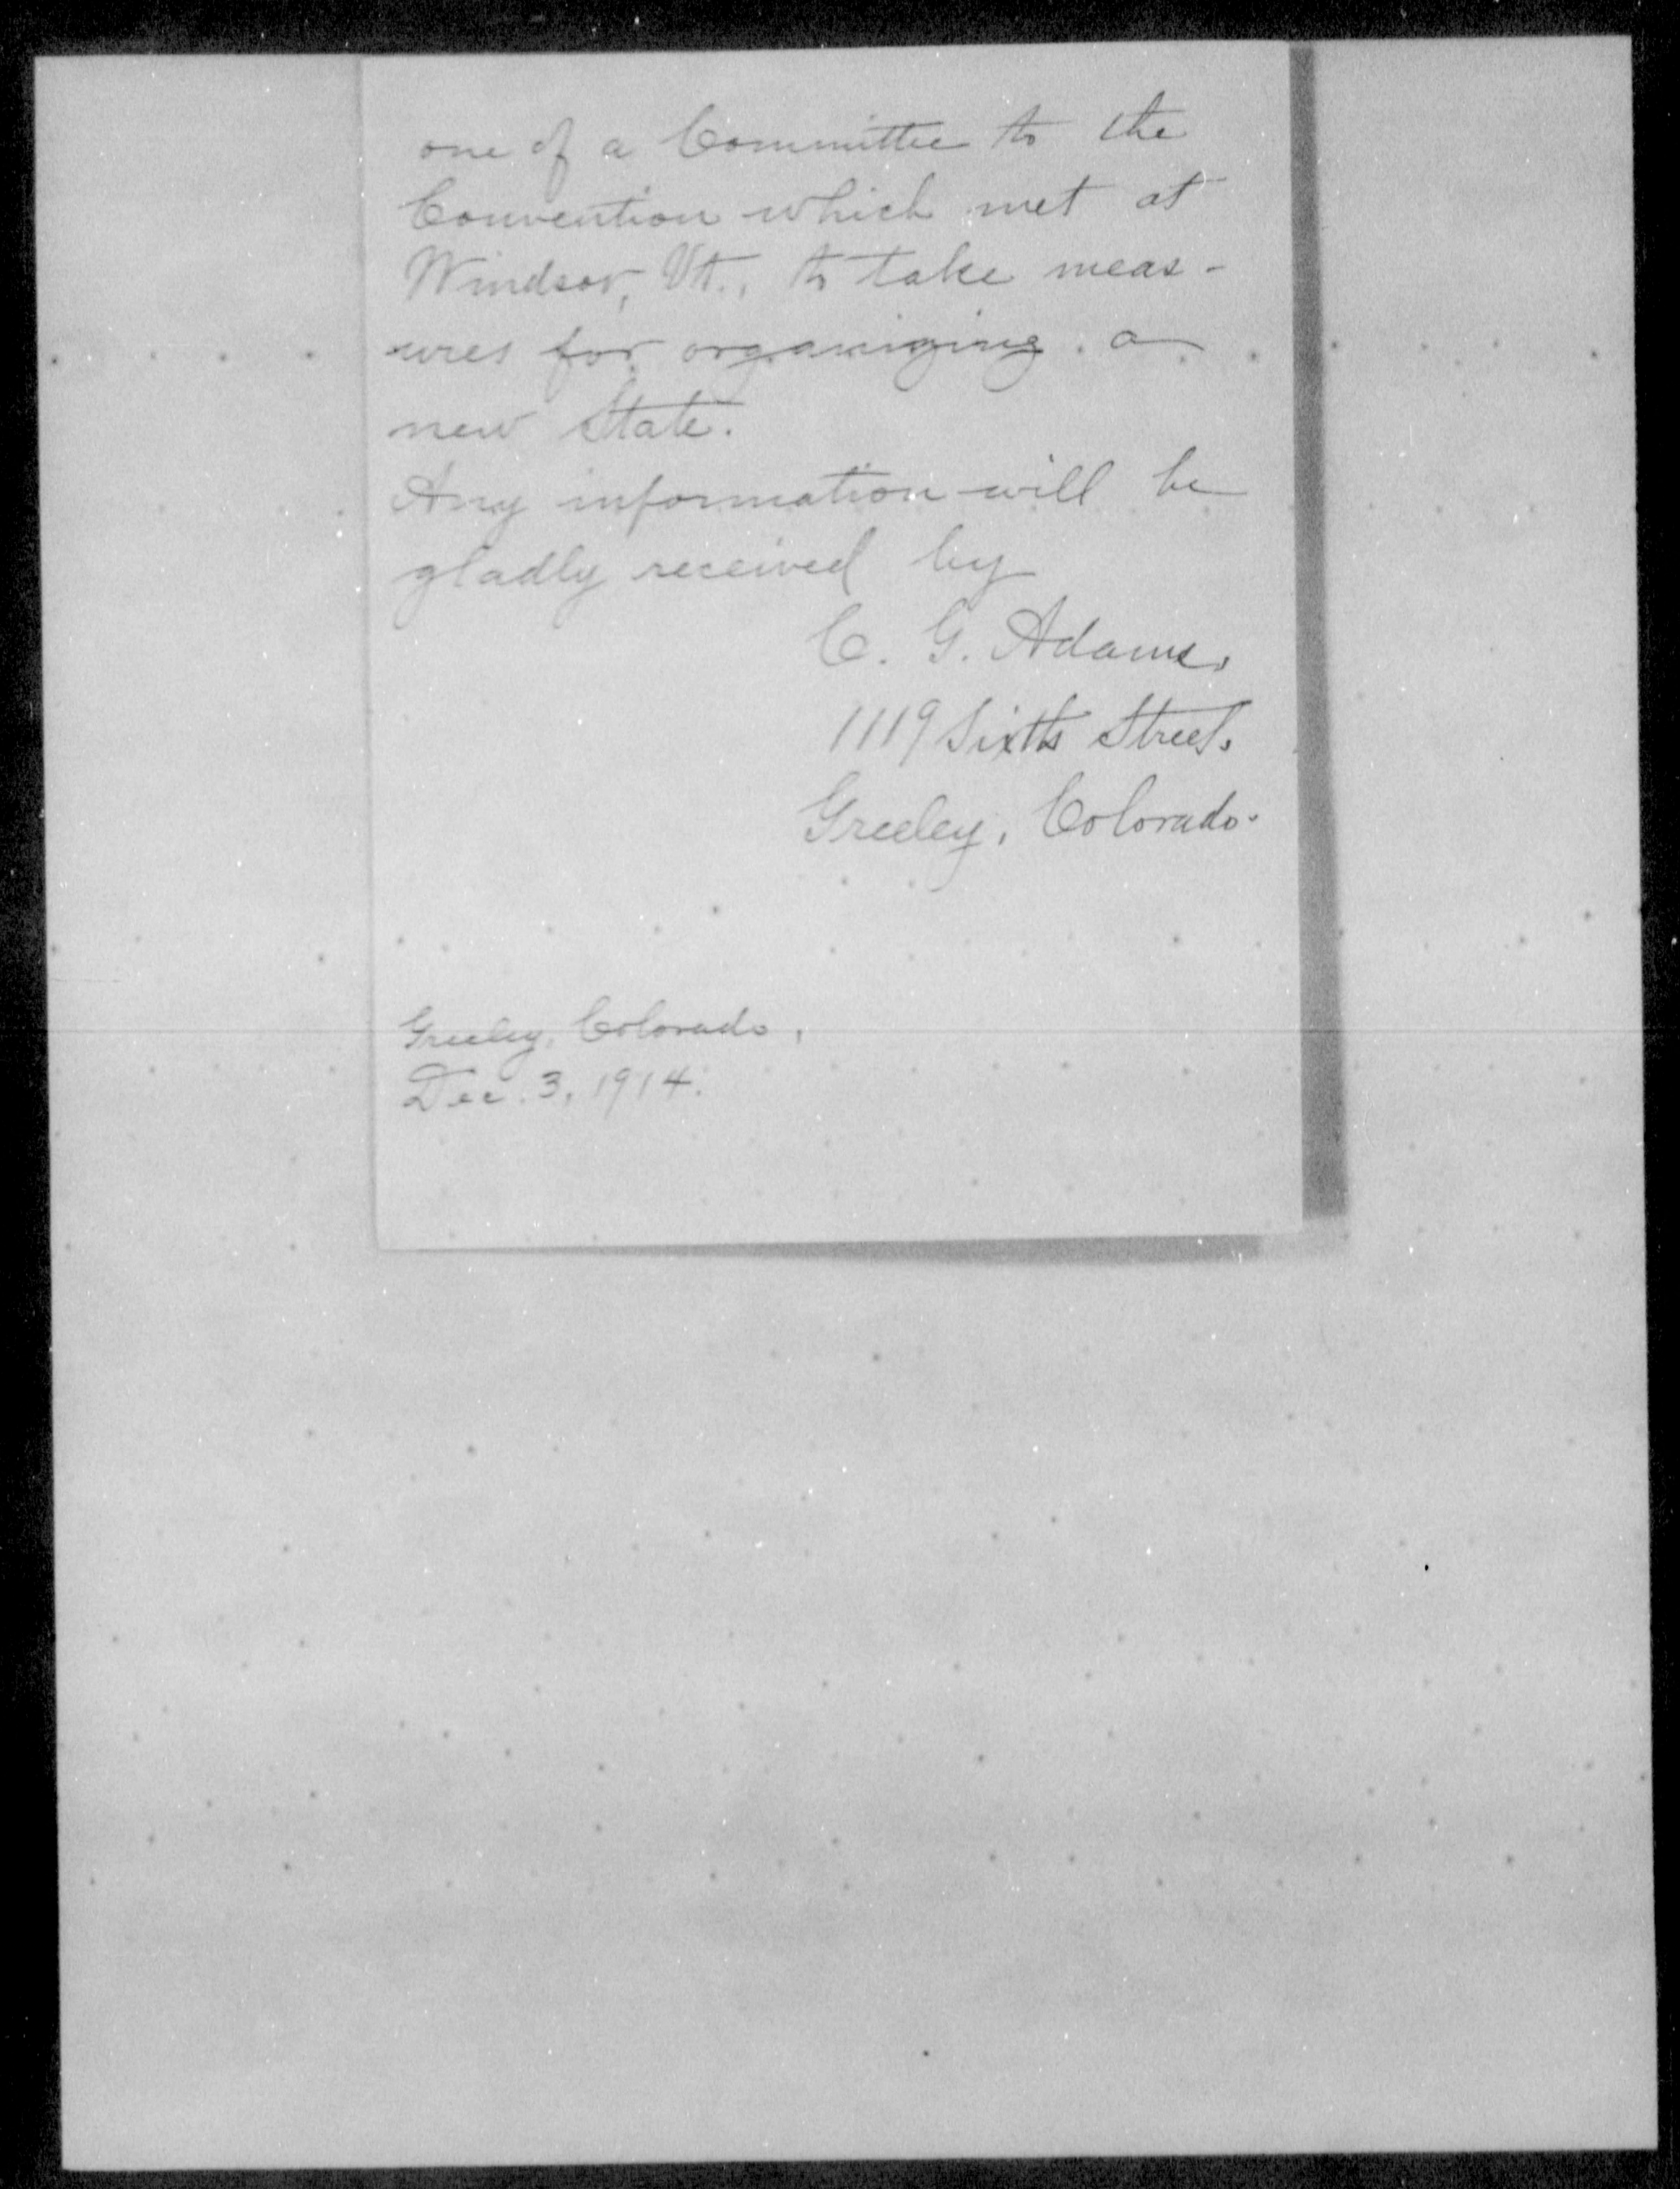one of a Committee to the Convention which met at Windsor, Vt. to take measures for organizing a new State.
Any information will be gladly received by
C. G. Adams,
1119 Sixth Street,
Greeley, Colorado

Greeley, Colorado
Dec. 3, 1914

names: C G Adams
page: 98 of 109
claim: widow's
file: W. 5709, for Thomas Richards, New Hampshire